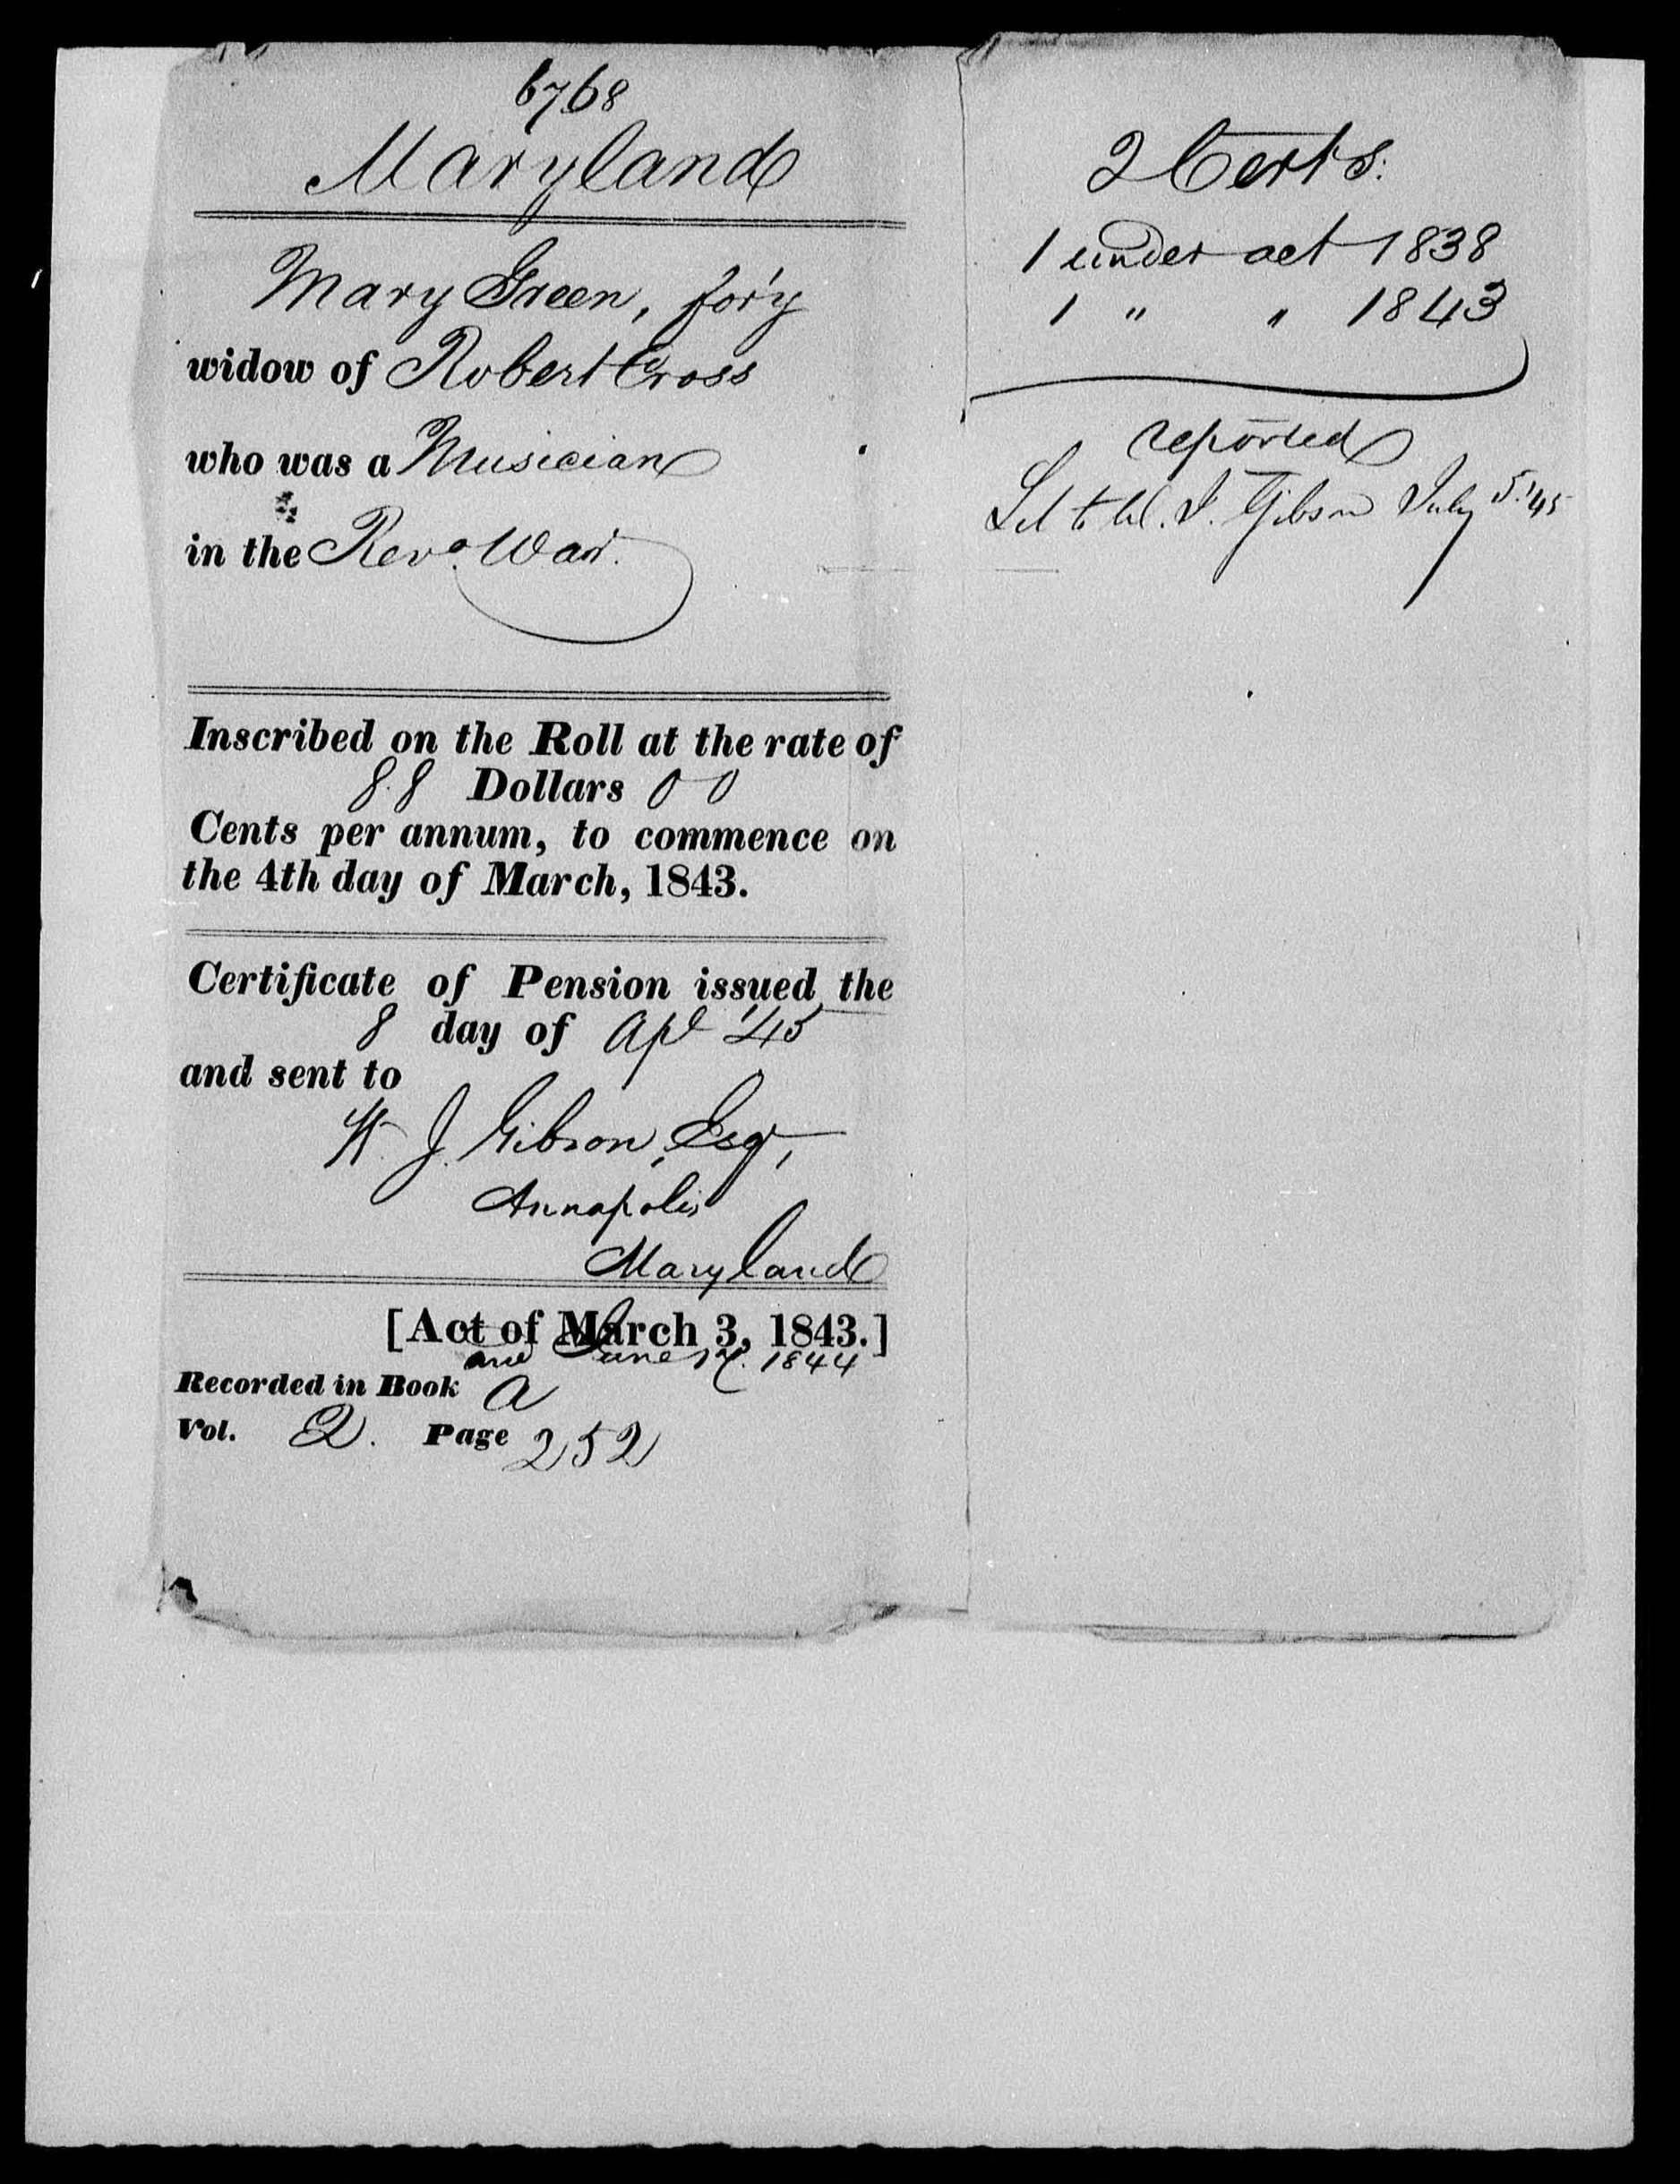[left]
6768
Maryland
Mary Green [illegible]
widow of Robert Cross 
who was a musician  
in the Rev. War.
Inscribed on the Roll at the rate of 
88 dollars 00 
Cents per annum, to commence on  
the 4th day of March, 1843
Certificate of Pension issued the 
8 day of Apr. '45
and sent to
W.J.Gibson, Esq.
Annapolis
Maryland

[Act of March 3, 1843.]
and June 17. 1844
Recorded in Book a
Vol. 2. Page 252

[right]
2 [illegible]
1 under act 1838
1 ''          ''  1843

reported
Let to W. J. Gibson July 5 '45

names: Robert Cross, W J Gibson, Mary Green, W J Gibson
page: 13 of 26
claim: widow's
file: W 25651, Robert Cross, Md.